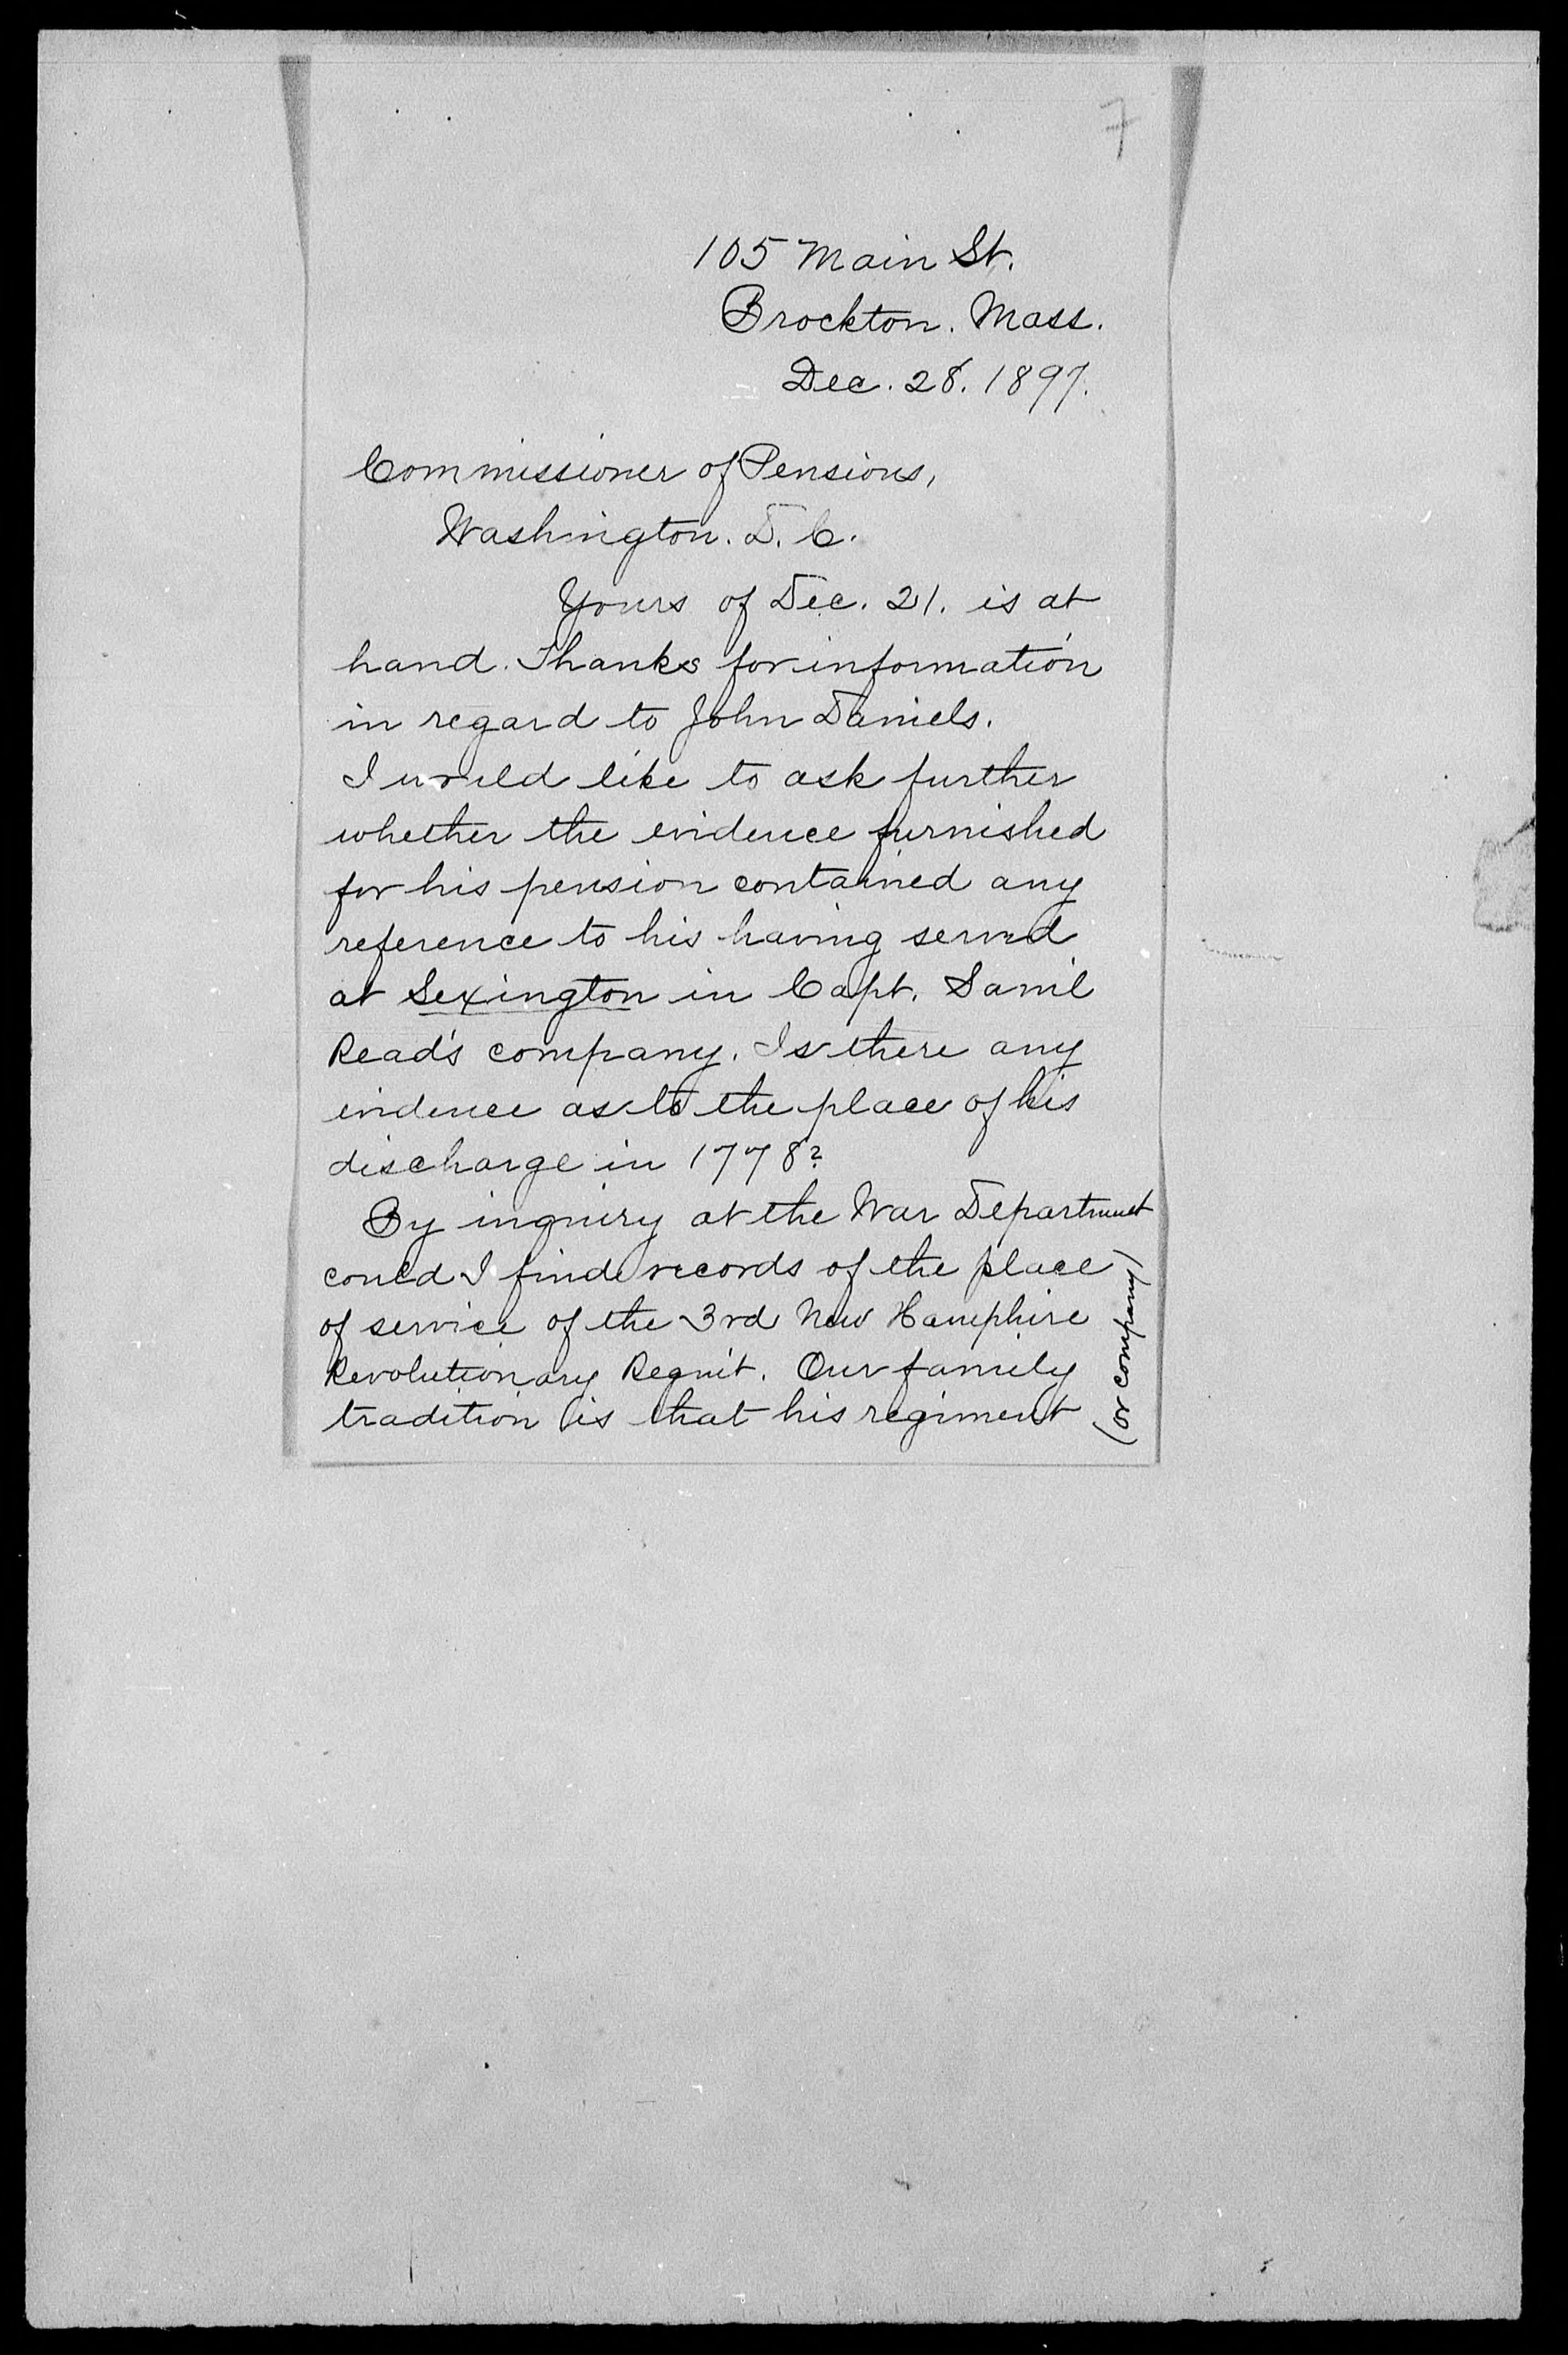Commissioner of Pensions
Washington D.C.

Yours of Dec 21 is at hand.  Thanks for information in regard to John Daniels.
I would like to ask further whether the evidence furnished for his pension contained any reference to his having served at Lexington [underlined] in Capt. Sam'l Read's company.  Is there any evidence as to the place of his discharge in 1778?
By inquiry at the War Department could I find records of the place of service of the 3rd New Hampshire Revolutionary Regm't.  Our family tradition is that his regiment (or company)
[end of page]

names: John Daniels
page: 33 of 43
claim: widow's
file: W 683, John Daniels, Continental Mass. N.H.